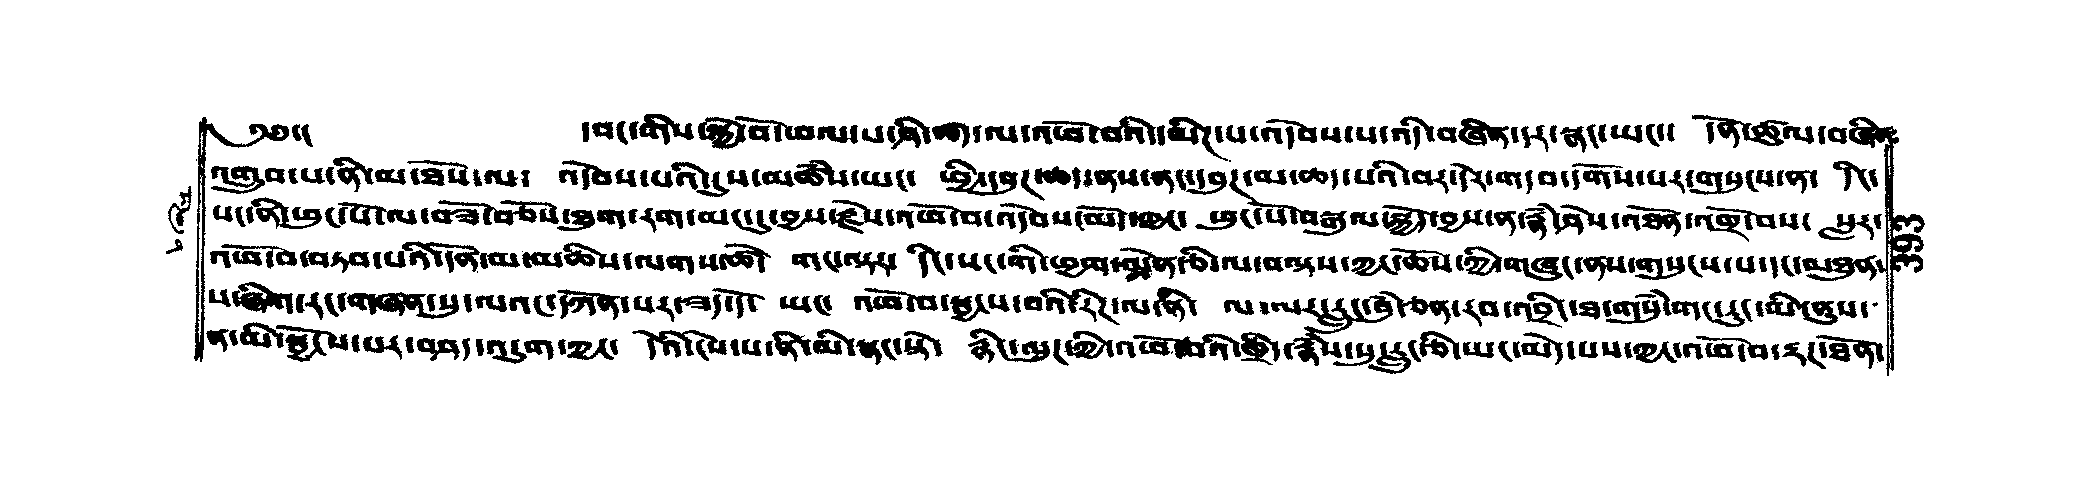དབང་གིས་སྐྱེ་བོ་ཕལ་པ་ཤི་ཚད་ལ་འཕོ་བའི་དམིགས་པ་འདེབས་པ་འདི་བཞིན་དར་སྣང་ཡང་། དོན་ཚུལ་བཞིན་
འགྲུབ་པ་ནི་མ་ཐོས་ལ། འདེབས་པའི་དུས་མཚམས་ཡང་། ཕྱི་དབུགས་ཆད་ནས་ནང་དབུགས་མ་ཆད་པའི་བར་དེར་གདབ་དགོས་པར་གསུངས་ན། དིང་
སང་ནི་ཕུང་པོ་ལ་བཟོ་བཅོས་ཐུག་རེག་མང་དུ་བྱས་རྗེས་འཕོ་བ་འདེབས་མོད་ཀྱང་། ཕུང་པོ་བསྒུལ་སྐྱོད་བྱས་ན་རྣམ་ཤེས་འཐོན་འགྲོ་བས། སླར་
འཕོ་བ་བཏབ་པའི་དོན་མ་མཆིས་ལགས་ཚེ། གང་ལྟར། དིང་སང་གི་ཕྱག་ལེན་ཅི་ལ་བལྟས་ཀྱང་ཆོས་ཀྱི་གཞུང་ནས་གསུངས་པ་དང་མཐུན་
པ་ཞིག་རང་གཞན་སུ་ལའང་དཀོན་པར་ཟད་དོ། ཡང་འཕོ་བ་སྦྱངས་བའི་རིགས་ལ་ནི། ལ་ལར་རླུང་བུམ་ཅན་རབ་འབྲིང་ཐ་གསུམ་གང་རུང་མི་ནུས་
ན་མི་སྦྱོང་པར་བཤད་འདུག་ཀྱང་། དེའི་ངེས་པ་ནི་མི་སྣང་སྟེ། རྙིང་ལུགས་ཀྱི་འཕོ་བའི་ཁྲིད་རྣམས་སུ་རླུང་ཅི་ཡང་མེད་པས་ཀྱང་འཕོ་བའི་རྟགས་ཐོན་